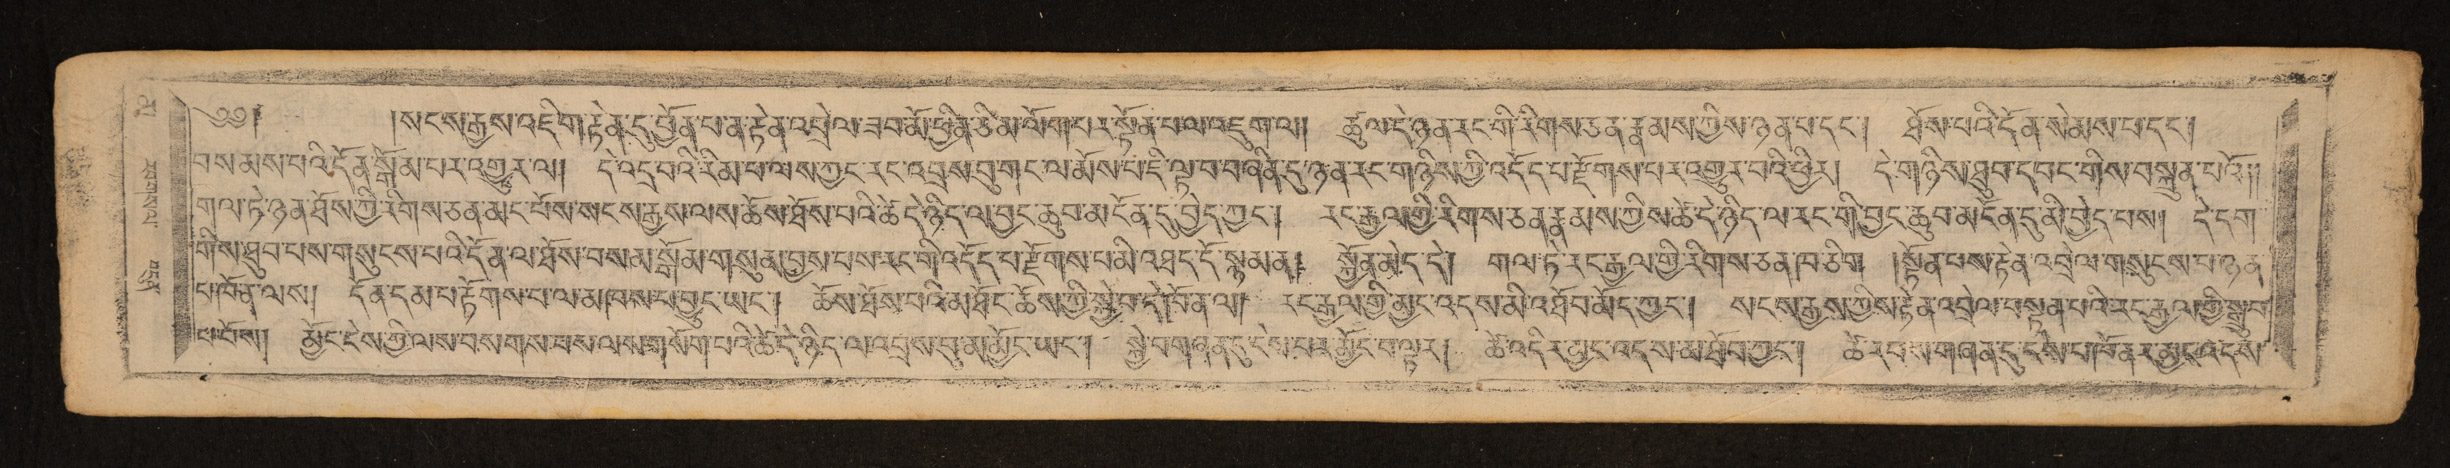སངས་རྒྱས་འཇིག་རྟེན་དུ་བྱོན་པ་ན་རྟེན་འབྲེལ་ཟབ་མོ་ཕྱིན་ཅི་མ་ལོག་པར་སྟོན་པ་ལ་འཇུག་ལ། ཚུལ་དེ་ཉན་རང་གི་རིགས་ཅན་རྣམས་ཀྱིས་ཉན་པ་དང་། ཐོས་པའི་དོན་སེམས་པ་དང་།
བསམས་པའི་དོན་སྒོམ་པར་འགྱུར་ལ། དེ་འདྲ་བའི་རིམ་པ་ལས་ཀྱང་རང་འབྲས་བུ་གང་ལ་མོས་པ་ཇི་ལྟ་བ་བཞིན་དུ་ཉན་རང་གཉིས་ཀྱི་འདོད་པ་རྫོགས་པར་འགྱུར་བའི་ཕྱིར། དེ་གཉིས་ཐུབ་དབང་གིས་བསྐྲུན་པའོ།།
གལ་ཏེ་ཉན་ཐོས་ཀྱི་རིགས་ཅན་མང་པོས་སངས་རྒྱས་ལས་ཆོས་ཐོས་པའི་ཚེ་དེ་ཉིད་ལ་བྱང་ཆུབ་མངོན་དུ་བྱེད་ཀྱང་། རང་རྒྱལ་གྱི་རིགས་ཅན་རྣམས་ཀྱིས་ཚེ་དེ་ཉིད་ལ་རང་གི་བྱང་ཆུབ་མངོན་དུ་མི་བྱེད་པས། དེ་དག་
གིས་ཐུབ་པས་གསུངས་པའི་དོན་ལ་ཐོས་བསམ་སྒོམ་གསུམ་བྱས་པས་རང་གི་འདོད་པ་རྫོགས་པ་མི་འཐད་དོ་སྙམ་ན། སྐྱོན་མེད་དེ། གལ་ཏེ་རང་རྒྱལ་གྱི་རིགས་ཅན་ཁ་ཅིག །སྟོན་པས་རྟེན་འབྲེལ་གསུངས་པ་ཉན་
པ་ཁོ་ན་ལས། དོན་དམ་པ་རྟོགས་པ་ལ་མཁས་པ་བྱུང་ཡང་། ཆོས་ཐོས་པའི་མཐོང་ཆོས་ཀྱི་སྐྱེ་བ་དེ་ཁོ་ན་ལ། རང་རྒྱལ་གྱི་མྱང་འདས་མི་འཐོབ་མོད་ཀྱང་། སངས་རྒྱས་ཀྱིས་རྟེན་འབྲེལ་བསྟན་པའི་རང་རྒྱལ་གྱི་སྒྲུབ་
པ་པོས། མྱོང་ངེས་ཀྱི་ལས་བསགས་པས་ལས་སོག་པའི་ཚེ་དེ་ཉིད་ལ་འབྲས་བུ་མ་མྱོང་ཡང་། སྐྱེ་བ་གཞན་དུ་ངེས་པར་མྱོང་བ་ལྟར། ཚེ་འདིར་མྱང་འདས་མ་ཐོབ་ཀྱང་། ཚེ་རབས་གཞན་དུ་ངེས་པ་ཁོ་ནར་མྱང་འདས་